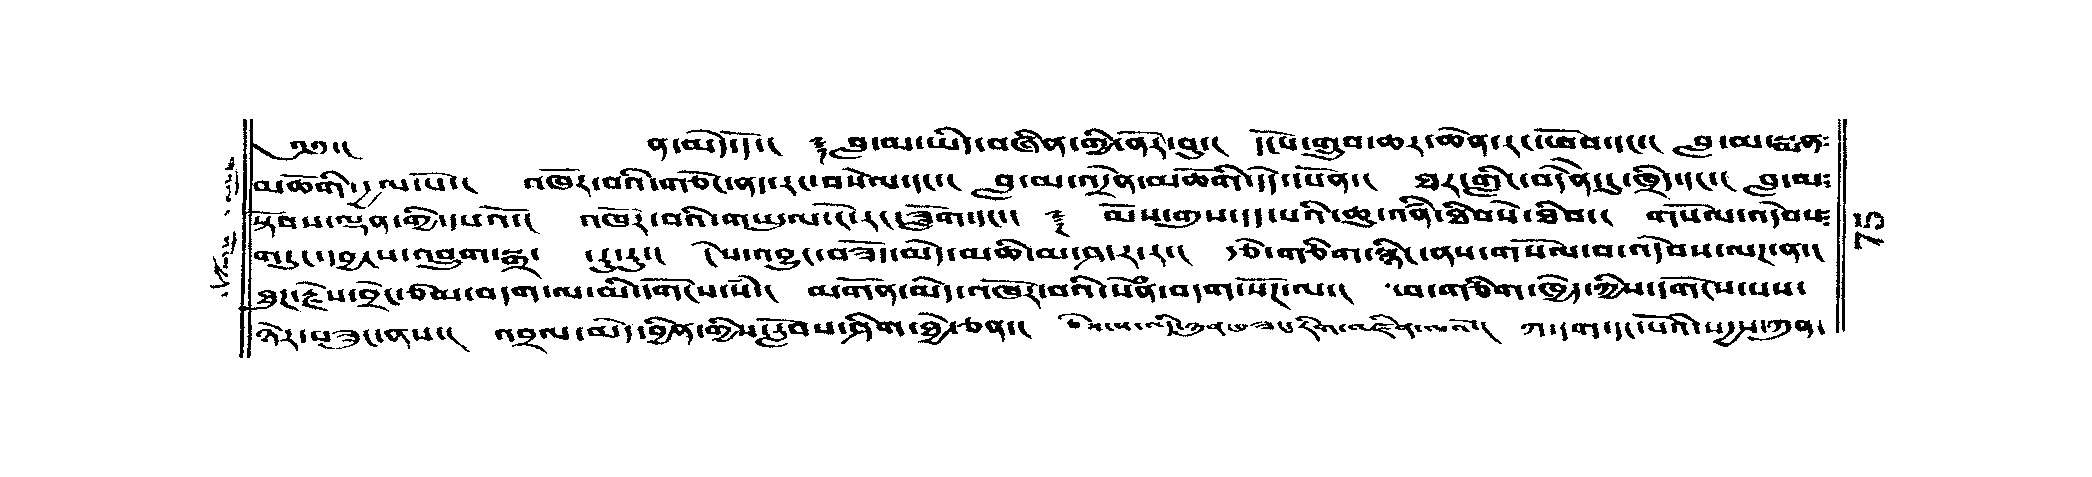ན་མེད་དོ། ༈ བླ་མ་ཡིད་བཞིན་གྱི་ནོར་བུ། །དངོས་གྲུབ་ཆར་ཆེན་རང་ཕོབ་དང་། །བླ་མ་སྨན་
མཆོག་གི་རྒྱལ་པོ། །འཁོར་བའི་གཅོང་ནད་རང་སེལ་དང་། །བླ་མ་འདྲེན་མཆོག་གི་དེད་དཔོན། །ཐར་གླིང་བདེ་ཆེན་དུ་ཁྲིད་དང་། །བླ་མ་
སྟོབས་ལྡན་གྱི་དཔའ་བོ། །འཁོར་བའི་གཡུལ་ངོ་རང་ཟློག་དང་།༈ མོས་གུས་དད་པའི་ཆུ་འཛིན་ཐིབས་སེ་ཐིབ། །གསོལ་འདེབས་
གདུང་དབྱང་འབྲུག་སྒྲ་འུ་རུ་རུ། །ངེས་འབྱུང་བཟོད་མེད་མཆི་མ་ཤ་ར་ར། །རྩེ་གཅིག་སྙིང་ནས་གསོལ་བ་འདེབས་ལགས་ན། །
ཐུགས་རྗེས་བྲེང་ཙམ་བདག་ལ་མི་དགོངས་སམ། །མགོན་མེད་འཁོར་བའི་སེམས་ཅན་བདག་སོགས་ལ། ཕ་གཅིག་ཁྱེད་ཀྱིས་དགོངས་པས་
ཉེར་བཟུང་ནས། །འབྲལ་མེད་བྱིན་གྱིས་རློབས་ཤིག་ཐུགས་རྗེ་ཅན། ཅེས་པ་འདི་ཀུན་བཟང་རིག་འཛིན་ལའོ། ཀ་དག་དང་པོའི་སངས་རྒྱས་ཀུན་